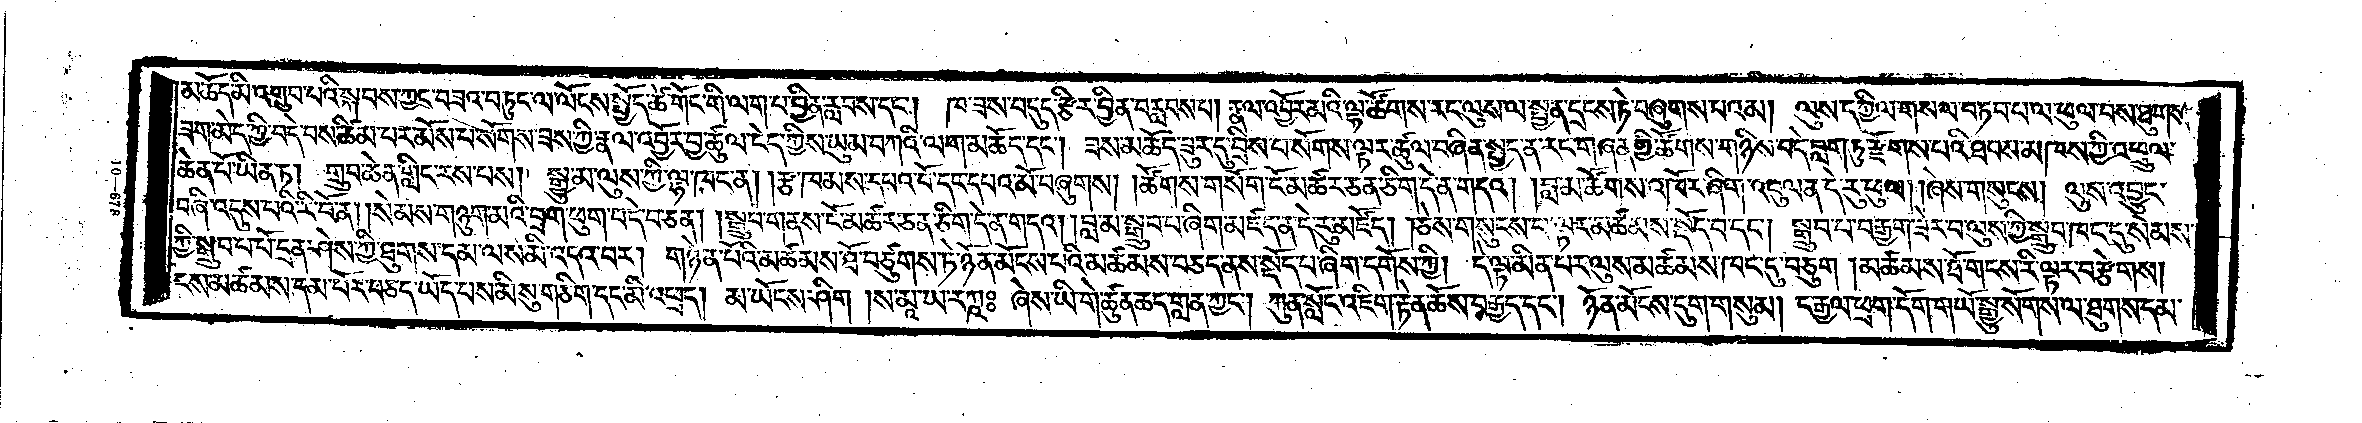མཆོད་མི་འགྲུབ་པའི་སྐབས་ཀྱང་བཟའ་བཏུང་ལ་ལོངས་སྤྱོད་ཚེ་གོང་གི་ལག་པ་བྱིན་རླབས་དང་། ཁ་ཟས་བདུད་རྩིར་བྱིན་བརླབས་པ། རྣལ་འབྱོར་མའི་ལྷ་ཚོགས་རང་ལུས་ལ་སྤྱན་དྲངས་ཏེ་བཞུགས་བའམ། ལུས་དཀྱིལ་གསལ་བཏབ་པ་ལ་ཕུལ་བས་ཐུགས་
ཟག་མེད་ཀྱི་བདེ་བས་ཚིམ་པར་མོས་པ་སོགས་ཟས་ཀྱི་རྣལ་འབྱོར་བྱ་ཚུལ་ངེད་ཀྱིས་ཡུམ་བཀའི་ལག་མཆོད་དང་། ཟས་མཆོད་ཟུར་དུ་བྲིས་པ་སོགས་ལྟར་ཚུལ་བཞིན་སྤྱད་ན་རང་གཞན་གྱི་ཚོགས་གཉིས་བདེ་བླག་ཏུ་རྫོགས་པའི་ཐབས་མཁས་ཀྱི་འཕྲུལ་
ཆེན་པོ་ཡིན་ཏེ། གྲུབ་ཆེན་གླིང་རས་པས། སྒྱུ་མ་ལུས་ཀྱི་ལྷ་ཁང་ན། །རྩ་ཁམས་དཔའ་བོ་དང་དཔའ་མོ་བཞུགས། །ཚོགས་གསོག་ངོ་མཚར་ཅན་ཅིག་དེ་ན་གདའ། །བླ་མ་ཚོགས་འཁོར་ཞིག་འབུལ་ན་དེ་རུ་ཕུལ། །ཞེས་གསུངས། ལུས་འབྱུང་
བཞི་འདུས་པའི་རི་བོ་ན། །སེམས་གཉུག་མའི་བྲག་ཕུག་བདེ་བ་ཅན། །སྒྲུབ་གནས་ངོ་མཚར་ཅན་ཅིག་དེ་ན་གདའ། །བླ་མ་སྒྲུབ་པ་ཞིག་མཛད་ན་དེ་རུ་མཛོད། །ཅེས་གསུངས་པ་ལྟར་མཚམས་སྡོད་པ་དང་། སྒྲུབ་པ་བརྒྱག་ཟེར་བ་ལུས་ཀྱི་སྒྲུབ་ཁང་དུ་སེམས་
ཀྱི་སྒྲུབ་པ་པོ་དྲན་ཤེས་ཀྱི་ཐུགས་དམ་ལས་མི་འདའ་བར། གཉེན་པོའི་མཚམས་ཐོ་བཙུགས་ཏེ་ཉོན་མོངས་པའི་མཚམས་བཅད་ནས་སྡོད་པ་ཞིག་དགོས་ཀྱི། དེ་ལྟ་མིན་པར་ལུས་མཚམས་ཁང་དུ་བཅུག །མཚམས་ཐོ་གངས་རི་ལྟར་བརྩེགས།
ངས་མཚམས་དམ་པོར་བཅད་ཡོད་པས་མི་སུ་གཅིག་དང་མི་འཕྲད། མ་ཡོངས་ཤིག །ས་མཱ་ཡ་རཀྵཿ ཞེས་ཡི་གེ་ཚུན་ཆད་གླན་ཀྱང་། ཀུན་སློང་འཇིག་རྟེན་ཆོས་བརྒྱད་དང་། ཉོན་མོངས་དུག་གསུམ། ང་རྒྱལ་ཕྲག་དོག་གཡོ་སྒྱུ་སོགས་ལ་ཐུགས་དམ་